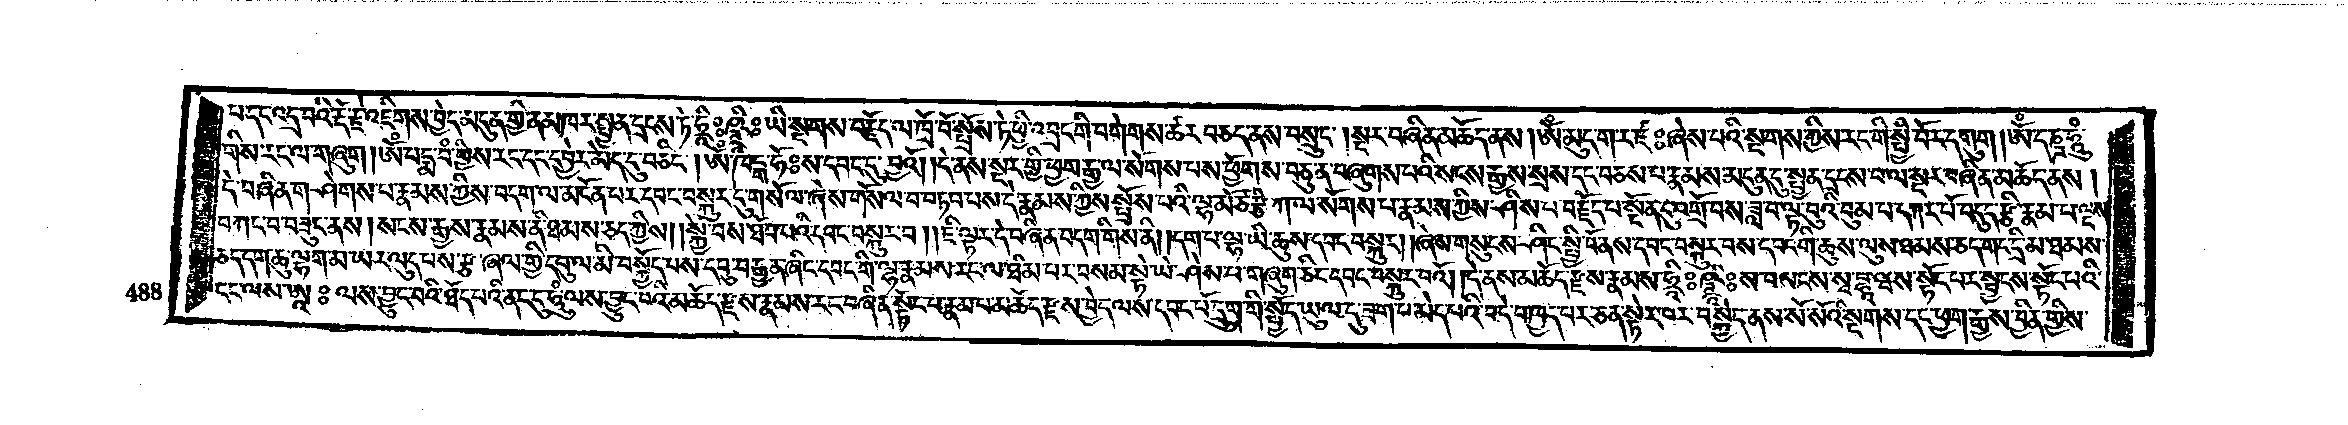པ་དང་འདྲ་བའི་རྡོ་རྗེ་འཇིགས་བྱེད་མདུན་གྱི་ནམ་མཁར་སྤྱན་དྲངས་ཏེ་ཧྲཱིཿ ཥྚིཿ ཡི་སྔགས་བརྗོད་ལ་ཁྲོ་བོ་སྤྲོས་ཏེ་ཕྱི་འབྲང་གི་བགེགས་ཚར་བཅད་ནས་བསྲུང་། སྔར་བཞིན་མཆོད་ནས། ཨོཾ་མུད་ག་ར་ཛཿ ཞེས་པའི་སྔགས་ཀྱིས་རང་གི་སྤྱི་བོར་དགུག །ཨོཾ་དཎྜ་ཧཱུཾ་
གིས་རང་ལ་གཞུག །ཨོཾ་པདམ་བམ་གྱིས་རང་དང་དབྱེར་མེད་དུ་བཅིང་། ཨོཾ་ཁངྒ་ཧོཿ ས་དབང་དུ་བྱའོ། །དེ་ནས་སྔར་གྱི་ཕྱག་རྒྱ་ལ་སོགས་པས་ཕྱོགས་བཅུ་ན་བཞུགས་པའི་སངས་རྒྱས་སྲས་དང་བཅས་པ་རྣམས་མདུན་དུ་སྤྱན་དྲངས་པ་ལ་སྔར་བཞིན་མཆོད་ནས།
དེ་བཞིན་གཤེགས་པ་རྣམས་ཀྱིས་བདག་ལ་མངོན་པར་དབང་བསྐུར་དུ་གསོལ་ཞེས་གསོལ་བ་བཏབ་པས་དེ་རྣམས་ཀྱིས་སྤྲོས་པའི་ལྷ་མོ་ཙ་རྩི་ཀ་ལ་སོགས་པ་རྣམས་ཀྱིས་ཤིས་པ་བརྗོད་པ་སྔོན་དུ་འགྲོ་བས་ཟླ་བ་ལྟ་བུའི་བུམ་པ་དཀར་པོ་བདུད་རྩི་རྣམ་པ་ལྔས་
བཀང་བ་བཟུང་ནས། སངས་རྒྱས་རྣམས་ནི་ཐམས་ཅད་ཀྱིས། །སྐྱེ་བས་ཐོབ་པའི་དབང་བསྐུར་བ། །ཇི་ལྟར་དེ་བཞིན་བདག་གིས་ནི། །དག་པ་ལྷ་ཡི་ཆུས་དབང་བསྐུར། །ཞེས་གསུངས་ཤིང་སྤྱི་བོ་ནས་དབང་བསྐུར་བས་དབང་གི་ཆུས་ལུས་ཐམས་ཅད་གང་དྲི་མ་ཐམས་
ཅད་དག་ཆུ་ལྷག་མ་ཡར་ལུང་པས་རྩ་ཞལ་གྱི་དབུ་ལ་མི་བསྐྱོད་པས་དབུ་བརྒྱན་ཞིང་དབང་གི་ལྷ་རྣམས་རང་ལ་ཐིམ་པར་བསམ་སྟེ་ཡེ་ཤེས་པ་གཞུག་ཅིང་དབང་བསྐུར་བའོ། །དེ་ནས་མཆོད་རྫས་རྣམས་ཧྲཱིཿ ཥྚྲཱིཿ ས་བསངས་སྭ་བྷཱ་ཝས་སྟོང་པར་སྦྱངས་སྟོང་པའི་
ངང་ལས་ཨཱཿ ལས་བྱུང་བའི་ཐོད་པའི་ནང་དུ་ཧཱུཾ་ལས་བྱུང་བའི་མཆོད་རྫས་རྣམས་རང་བཞིན་སྟོང་པ་རྣམ་པ་མཆོད་རྫས་བྱེད་ལས་དབང་པོ་དྲུག་གི་སྤྱོད་ཡུལ་དུ་ཟག་པ་མེད་པའི་བདེ་བ་ཁྱད་པར་ཅན་སྟེར་བར་བསྐྱེད་ནས་སོ་སོའི་སྔགས་དང་ཕྱག་རྒྱས་བྱིན་གྱིས་